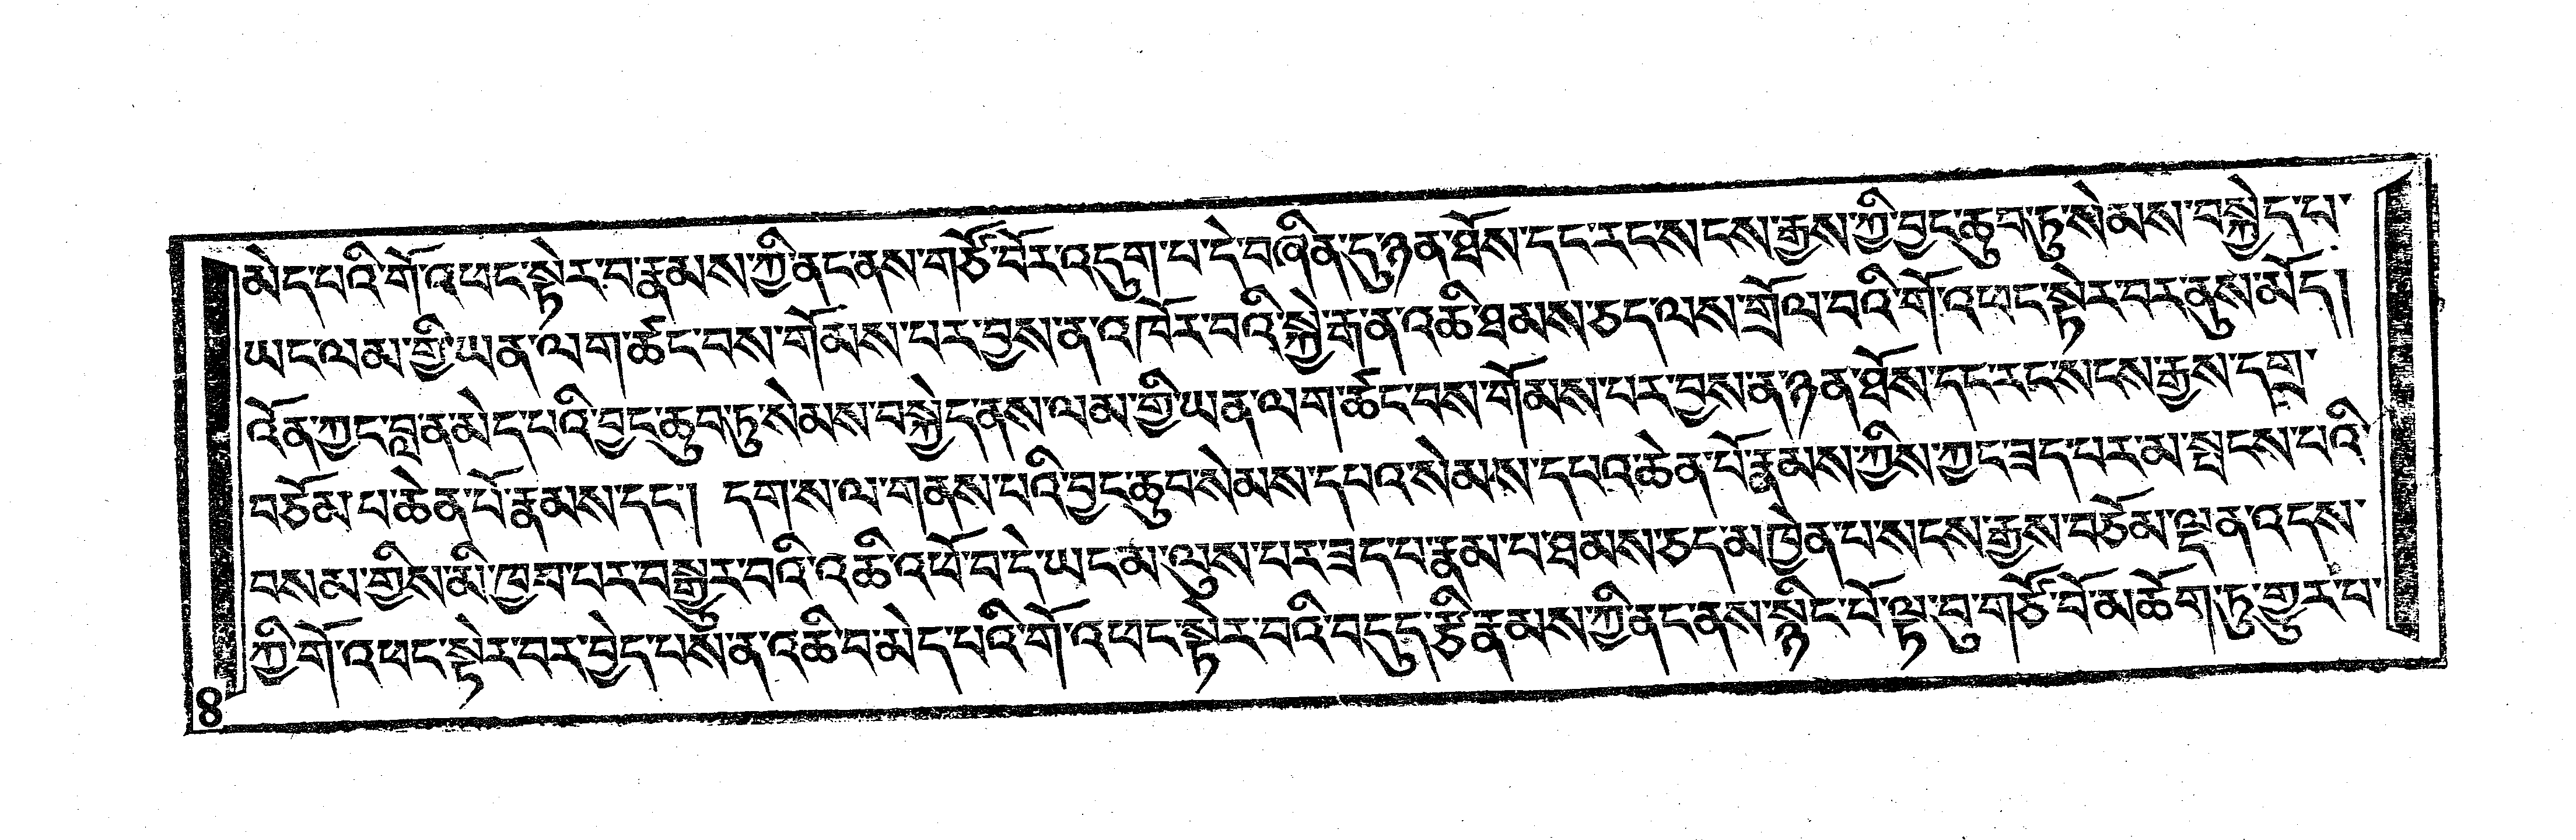མེད་པའི་གོ་འཕང་སྟེར་བ་རྣམས་ཀྱི་ནང་ནས་གཙོ་བོར་འདུག་པ་དེ་བཞིན་དུ་ཉན་ཐོས་དང་རང་སངས་རྒྱས་ཀྱི་བྱང་ཆུབ་ཏུ་སེམས་བསྐྱེད་པ་
ཡང་ལམ་གྱི་ཡན་ལག་ཚང་བས་གོམས་པར་བྱས་ན་འཁོར་བའི་སྐྱེ་རྒ་ན་འཆི་ཐམས་ཅད་ལས་གྲོལ་བའི་གོ་འཕང་སྟེར་བར་ནུས་མོད།
འོན་ཀྱང་བླ་ན་མེད་པའི་བྱང་ཆུབ་ཏུ་སེམས་བསྐྱེད་ནས་ལམ་གྱི་ཡན་ལག་ཚང་བས་གོམས་པར་བྱས་ན་ཉན་ཐོས་དང་རང་སངས་རྒྱས་དགྲ་
བཅོམ་པ་ཆེན་པོ་རྣམས་དང་། དག་ས་ལ་གནས་པའི་བྱང་ཆུབ་སེམས་དཔའ་སེམས་དཔའ་ཆེན་པོ་རྣམས་ཀྱིས་ཀྱང་ཟད་པར་མ་སྤངས་པའི་
བསམ་གྱིས་མི་ཁྱབ་པར་བསྒྱུར་བའི་འཆི་འཕོ་བ་དེ་ཡང་མ་ལུས་པར་ཟད་པ་རྣམ་པ་ཐམས་ཅད་མཁྱེན་པ་སངས་རྒྱས་བཅོམ་ལྡན་འདས་
ཀྱི་གོ་འཕང་སྟེར་བར་བྱེད་པས་ན་འཆི་བ་མེད་པའི་གོ་འཕང་སྟེར་བའི་བདུད་རྩི་རྣམས་ཀྱི་ནང་ནས་སྙིང་པོ་ལྟ་བུ་གཙོ་བོ་མཆོག་ཏུ་གྱུར་པ་